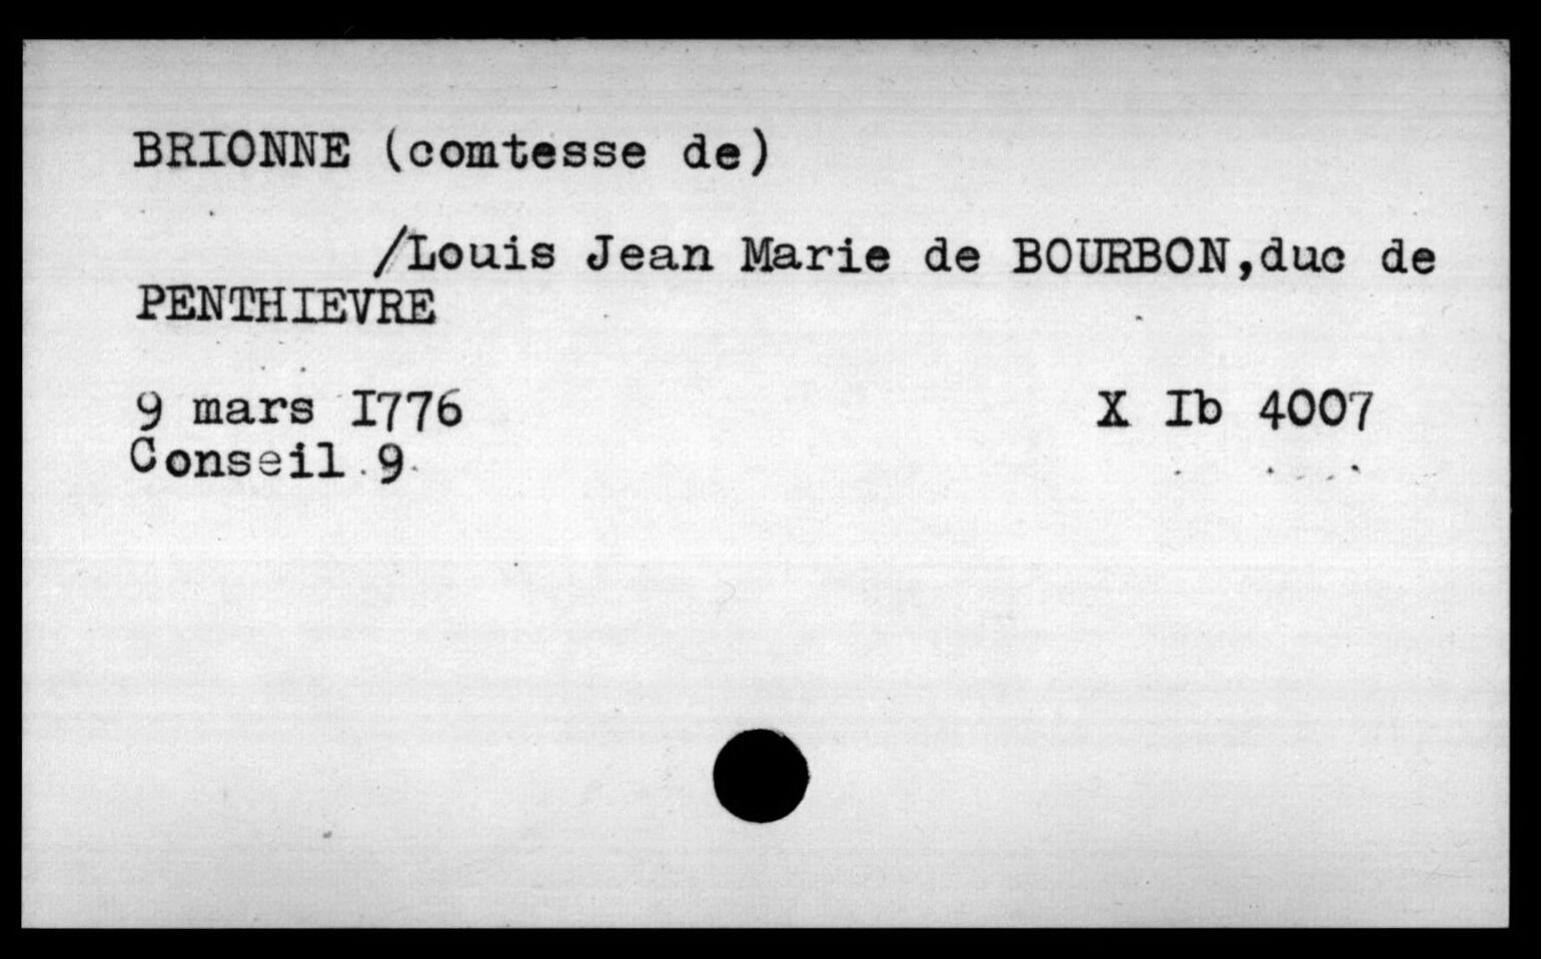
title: BRIONNE (comtesse de)
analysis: Contre Louis Jean Marie de BOURBON, duc de PENTHIEVRE
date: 9 mars 1776
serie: X1b
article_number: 4007
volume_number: Conseil, 9
